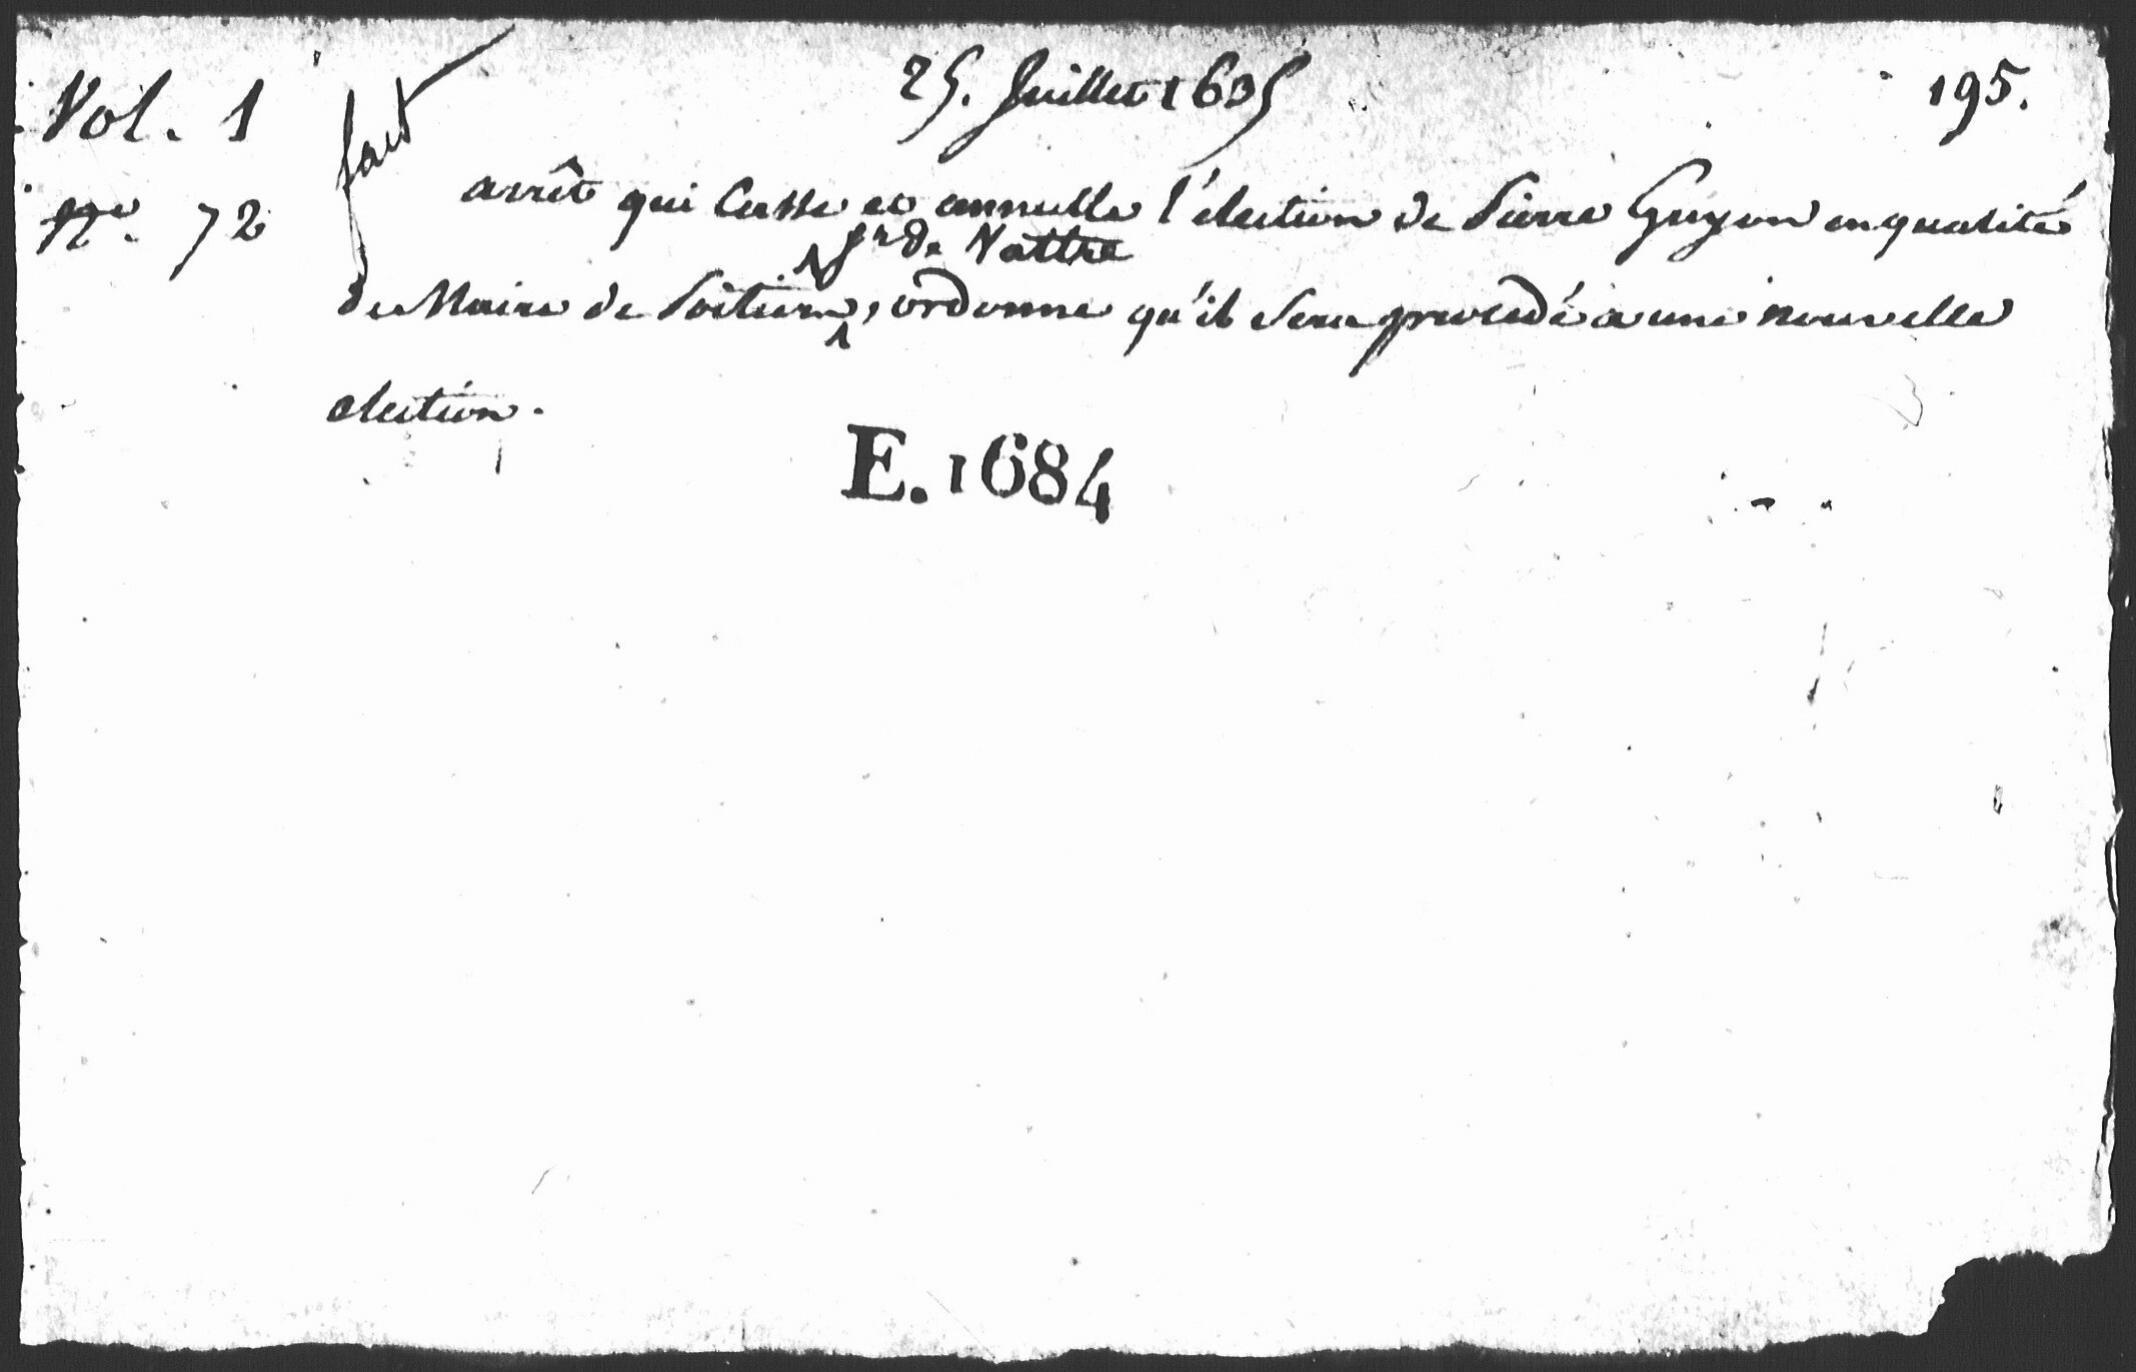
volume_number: n°72
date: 25 juillet 1635
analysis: fait 195
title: arrêt qui casse et annulle l'election de Pierre Guyon en qualité de Maire de Poitiers Sr de Vattre, ordonne qu'il sera procedé a une nouvelle election.
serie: E
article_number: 1684
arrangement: vol. 1
